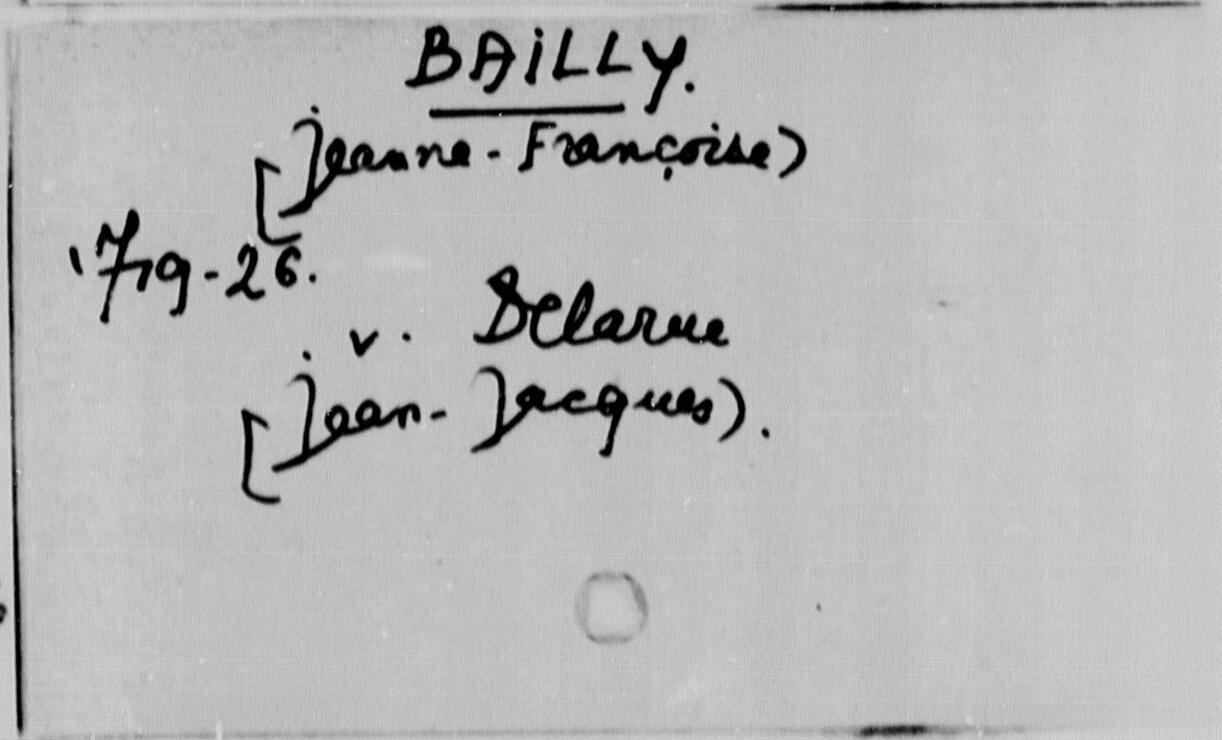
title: BAILLY (Jeanne-Françoise)
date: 1719-1726
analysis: Voir Delarue (Jean-Jacques)
